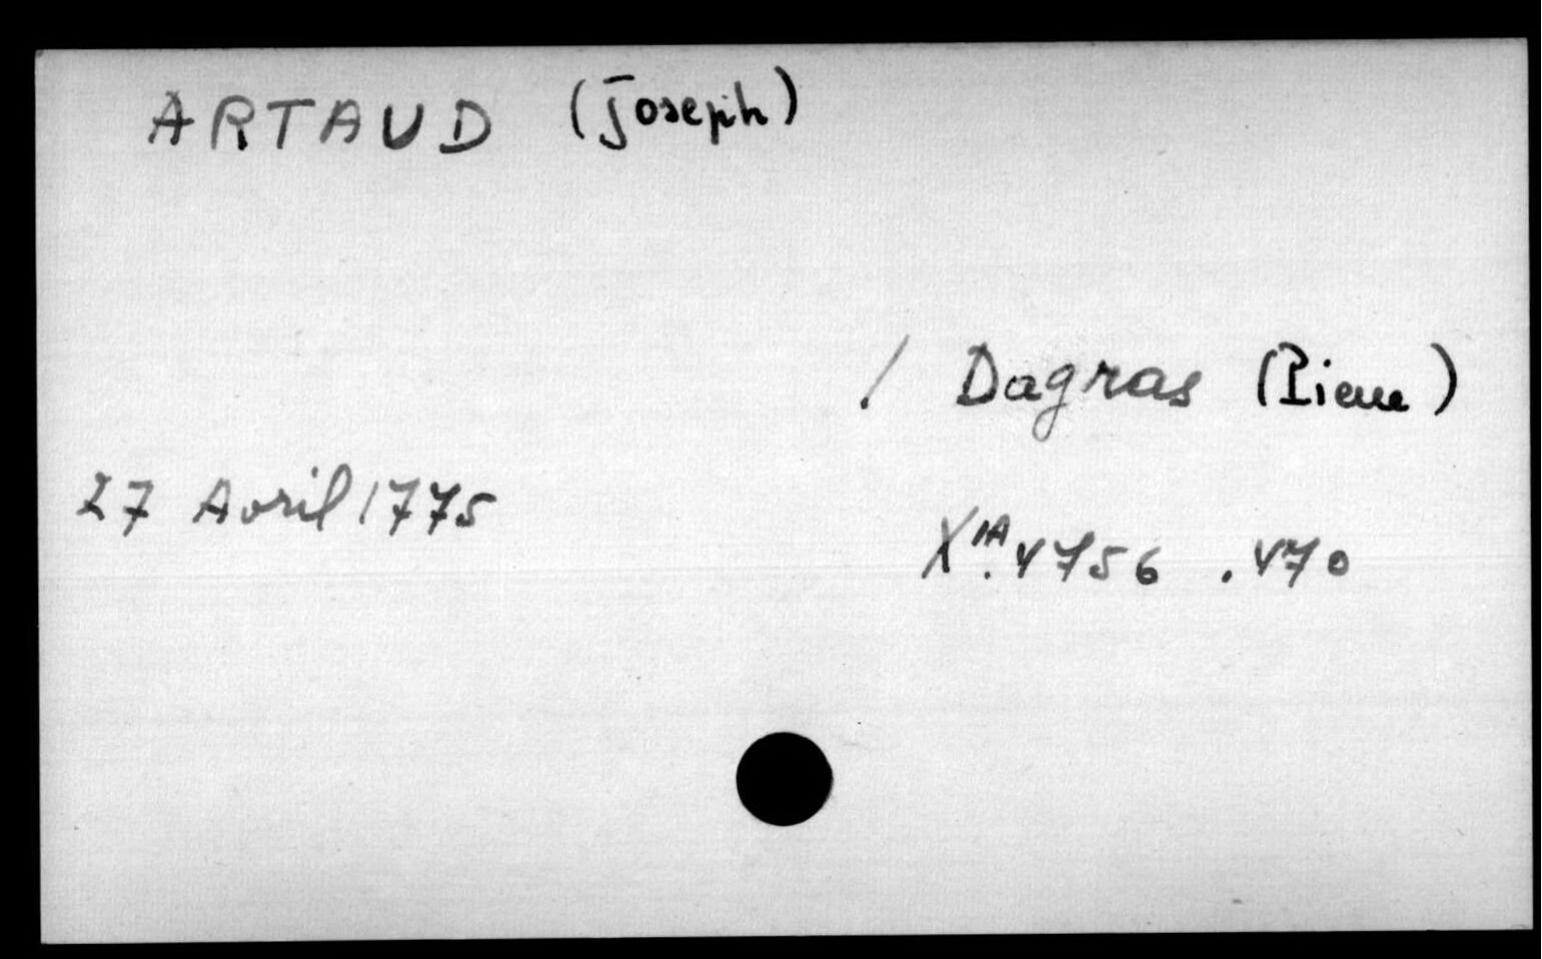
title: ARTAUD (Joseph)
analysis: Contre Dagras (Pierre)
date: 27 avril 1775
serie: X1A
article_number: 4756
